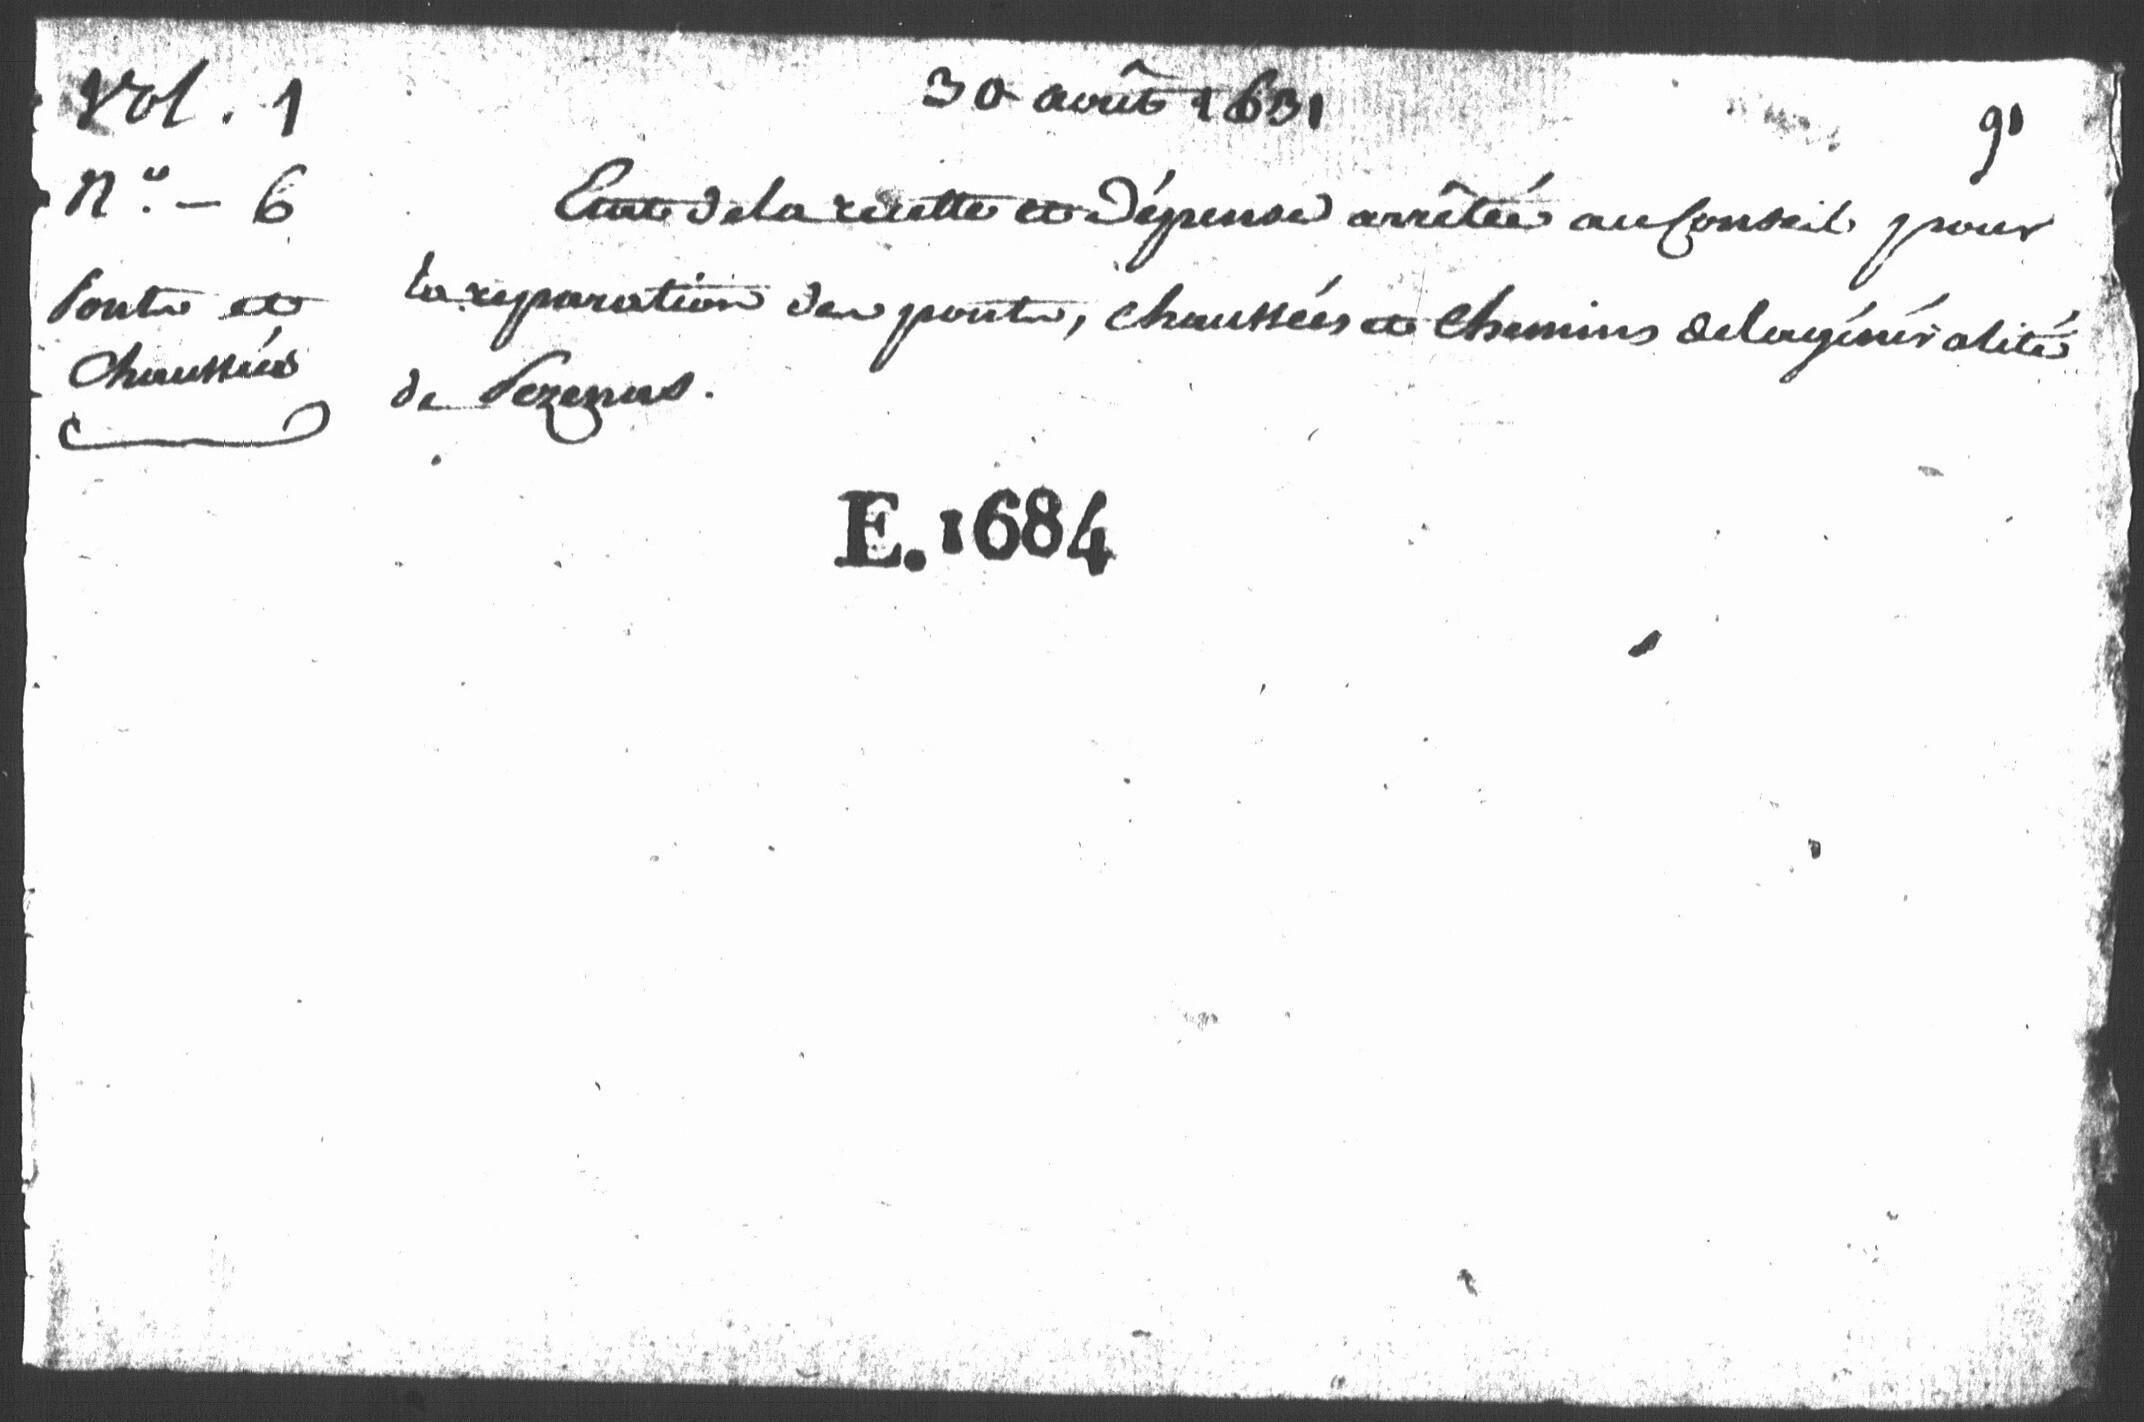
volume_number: n°6
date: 30 août 1631
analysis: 91
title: Etat de la recette et dépense arrêtée au Conseil pour la reparation des ponts, chaussées et chemins de la généralité de Pezenas.
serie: E
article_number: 1684
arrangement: vol. 1
